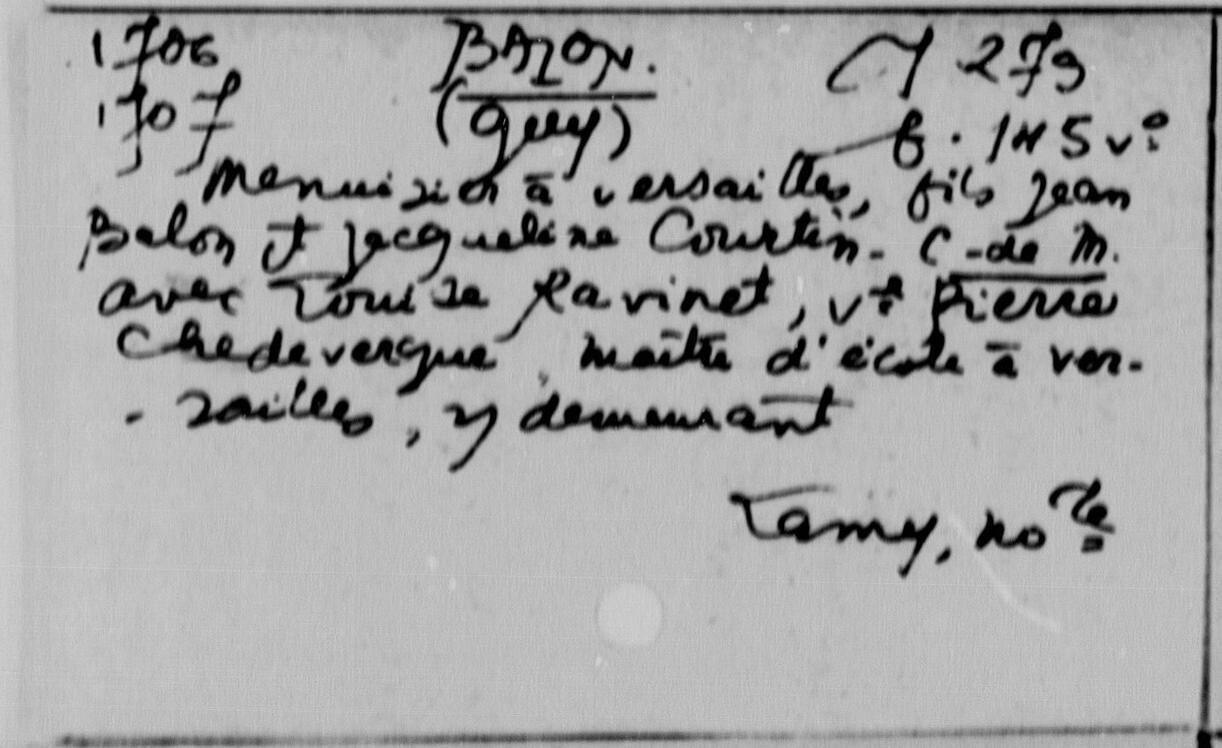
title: BALON (Guy)
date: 1706-1707
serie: Y
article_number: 279
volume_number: folio 145v
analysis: Menuisier à Versailles, fils Jean Balon et Jacqueline COURTIN. Contrat de mariage avec Louise Ravinet, veuve Pierre CHEDEVERGUE, maître d'école à Versailles, y demeurant. Lamy, notaire.
